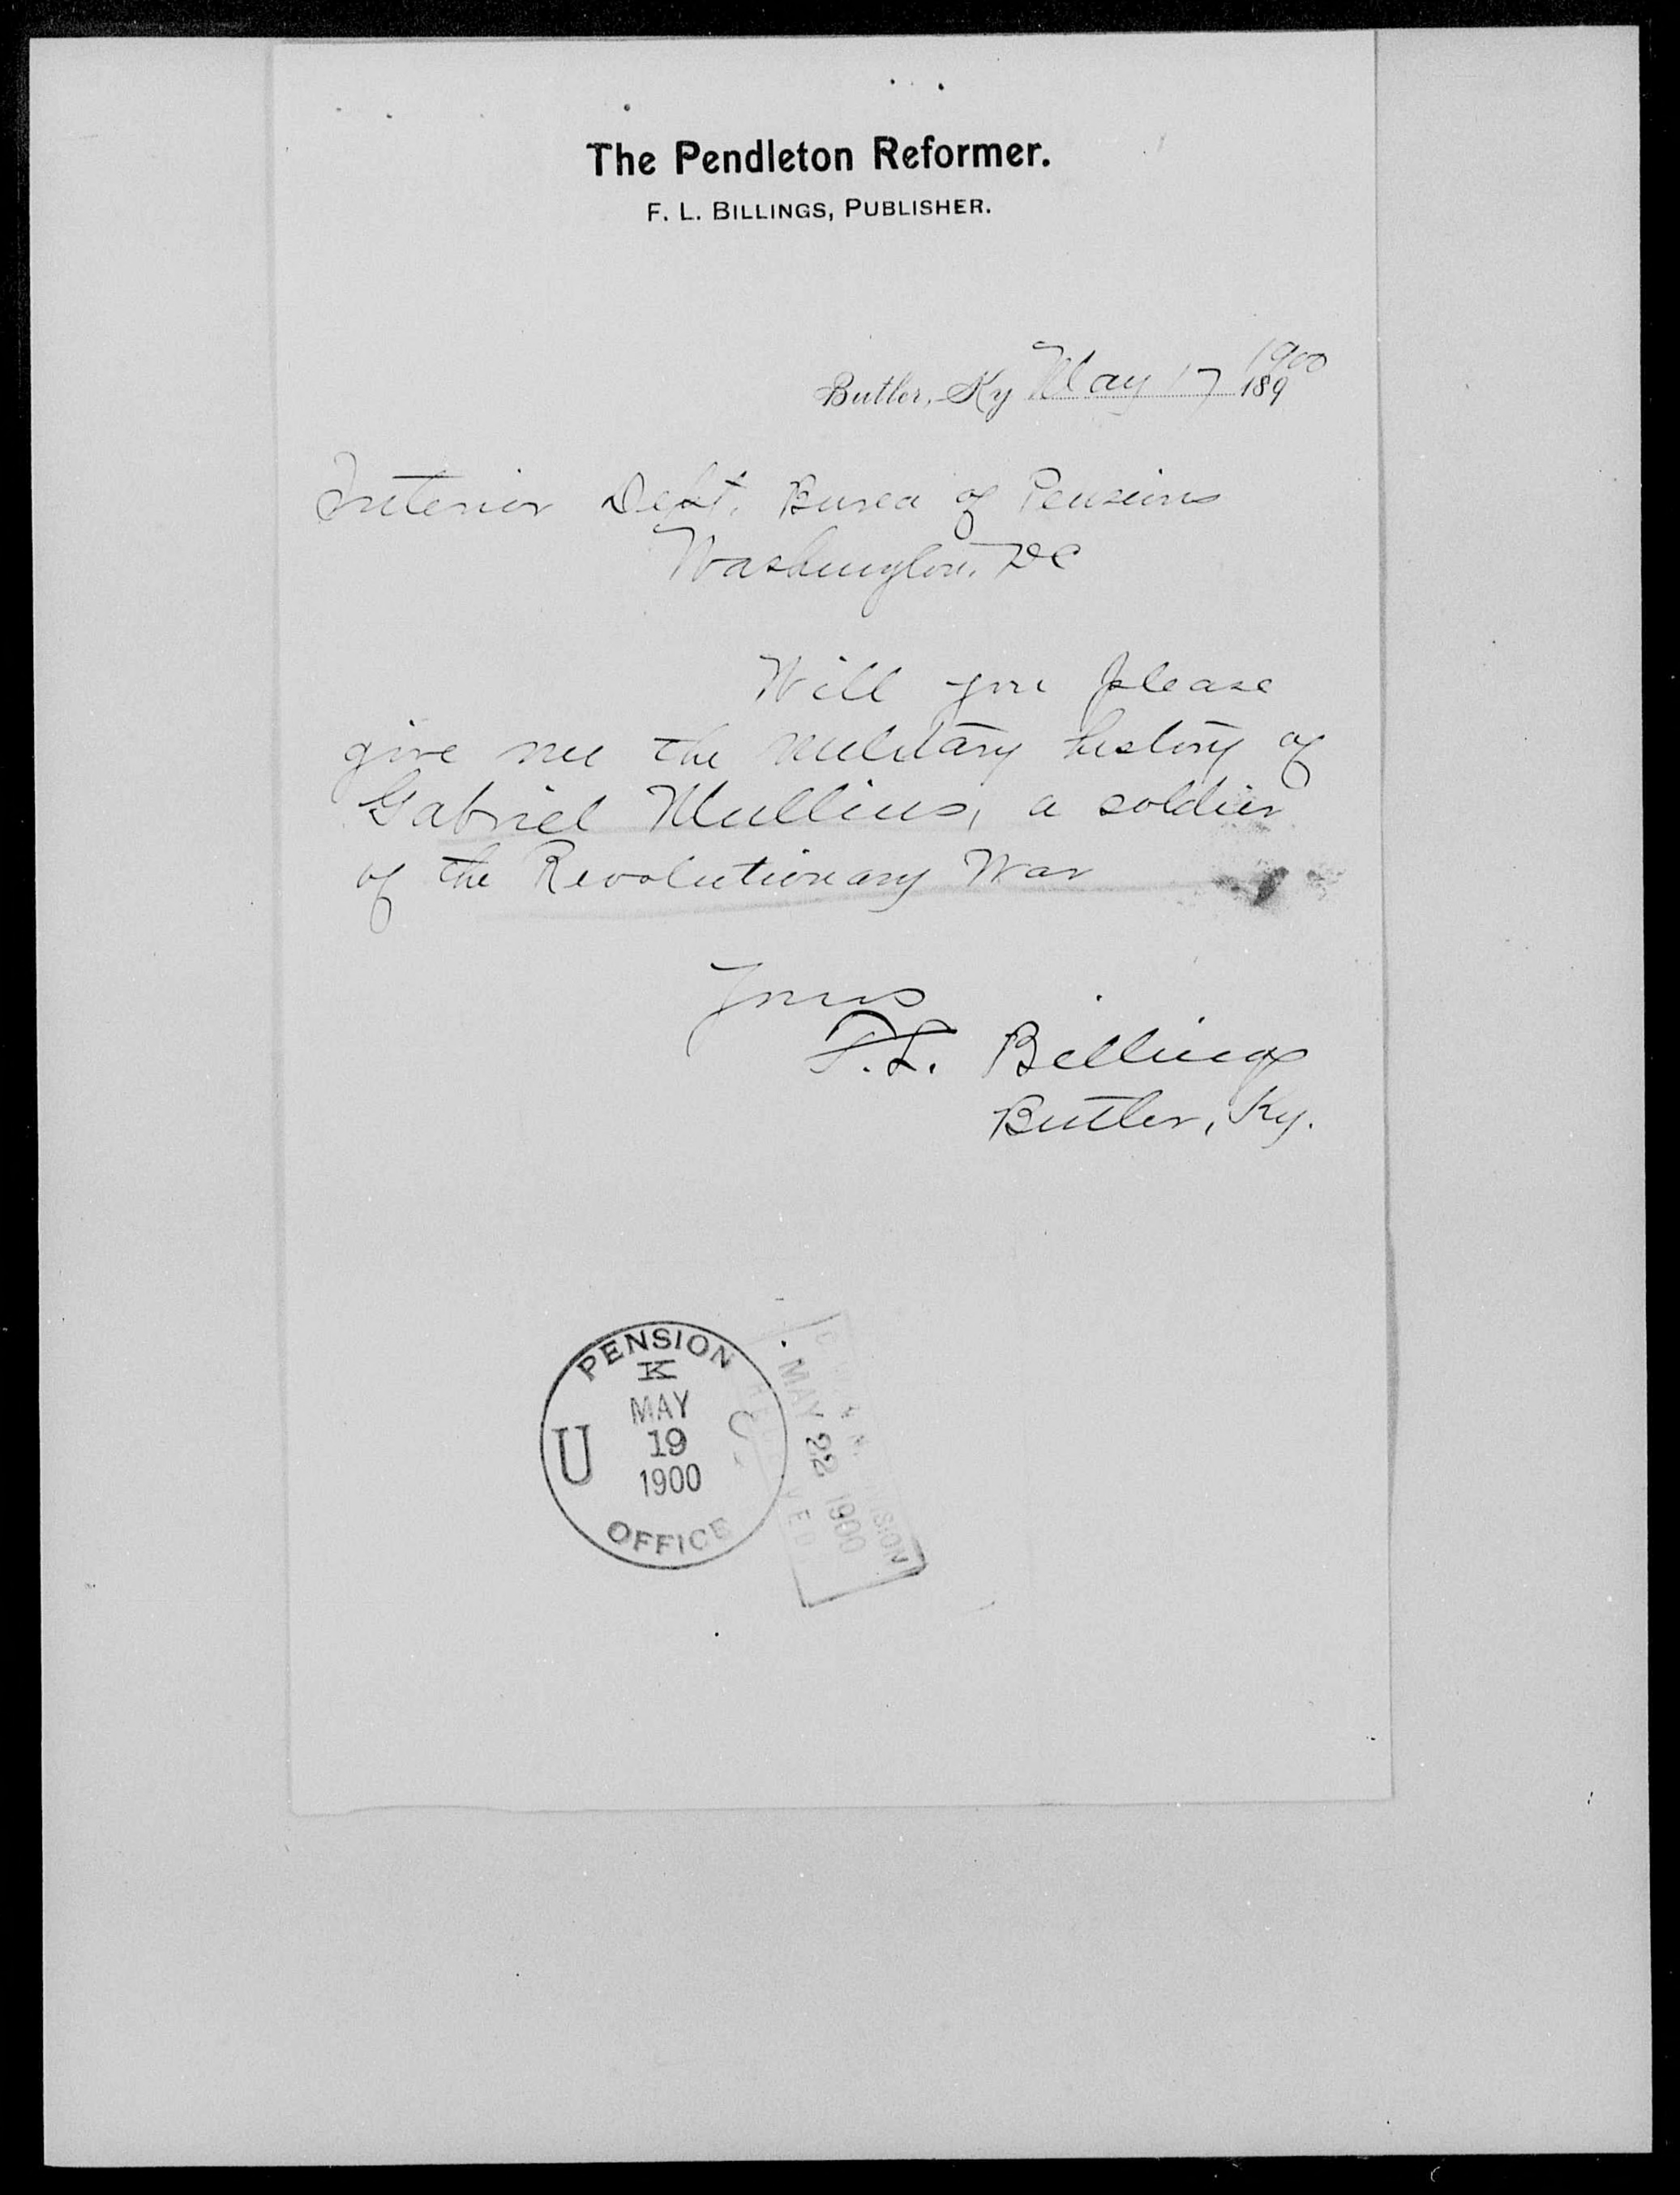The Pendleton Reformer.
F. L. BILLINGS, PUBLISHER.

Butler, Ky May 7 1900
Interior Dept, Bureau of Pensions
Washington, DC
                 Will you please
give me the Military history of
Gabriel Mullins, a soldier
of the Revolutionary War
               Yours,
                  F.L. Billings
                    Butler, Ky.


[stamp:] U.S.PENSION K OFFICE MAY 19.1900
[stamp:] illegible May 22 1900 received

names: F L Billings; Gabriel Mullins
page: 25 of 34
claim: survivor's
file: S. 30608, for Gabrel Mullins, Virginia